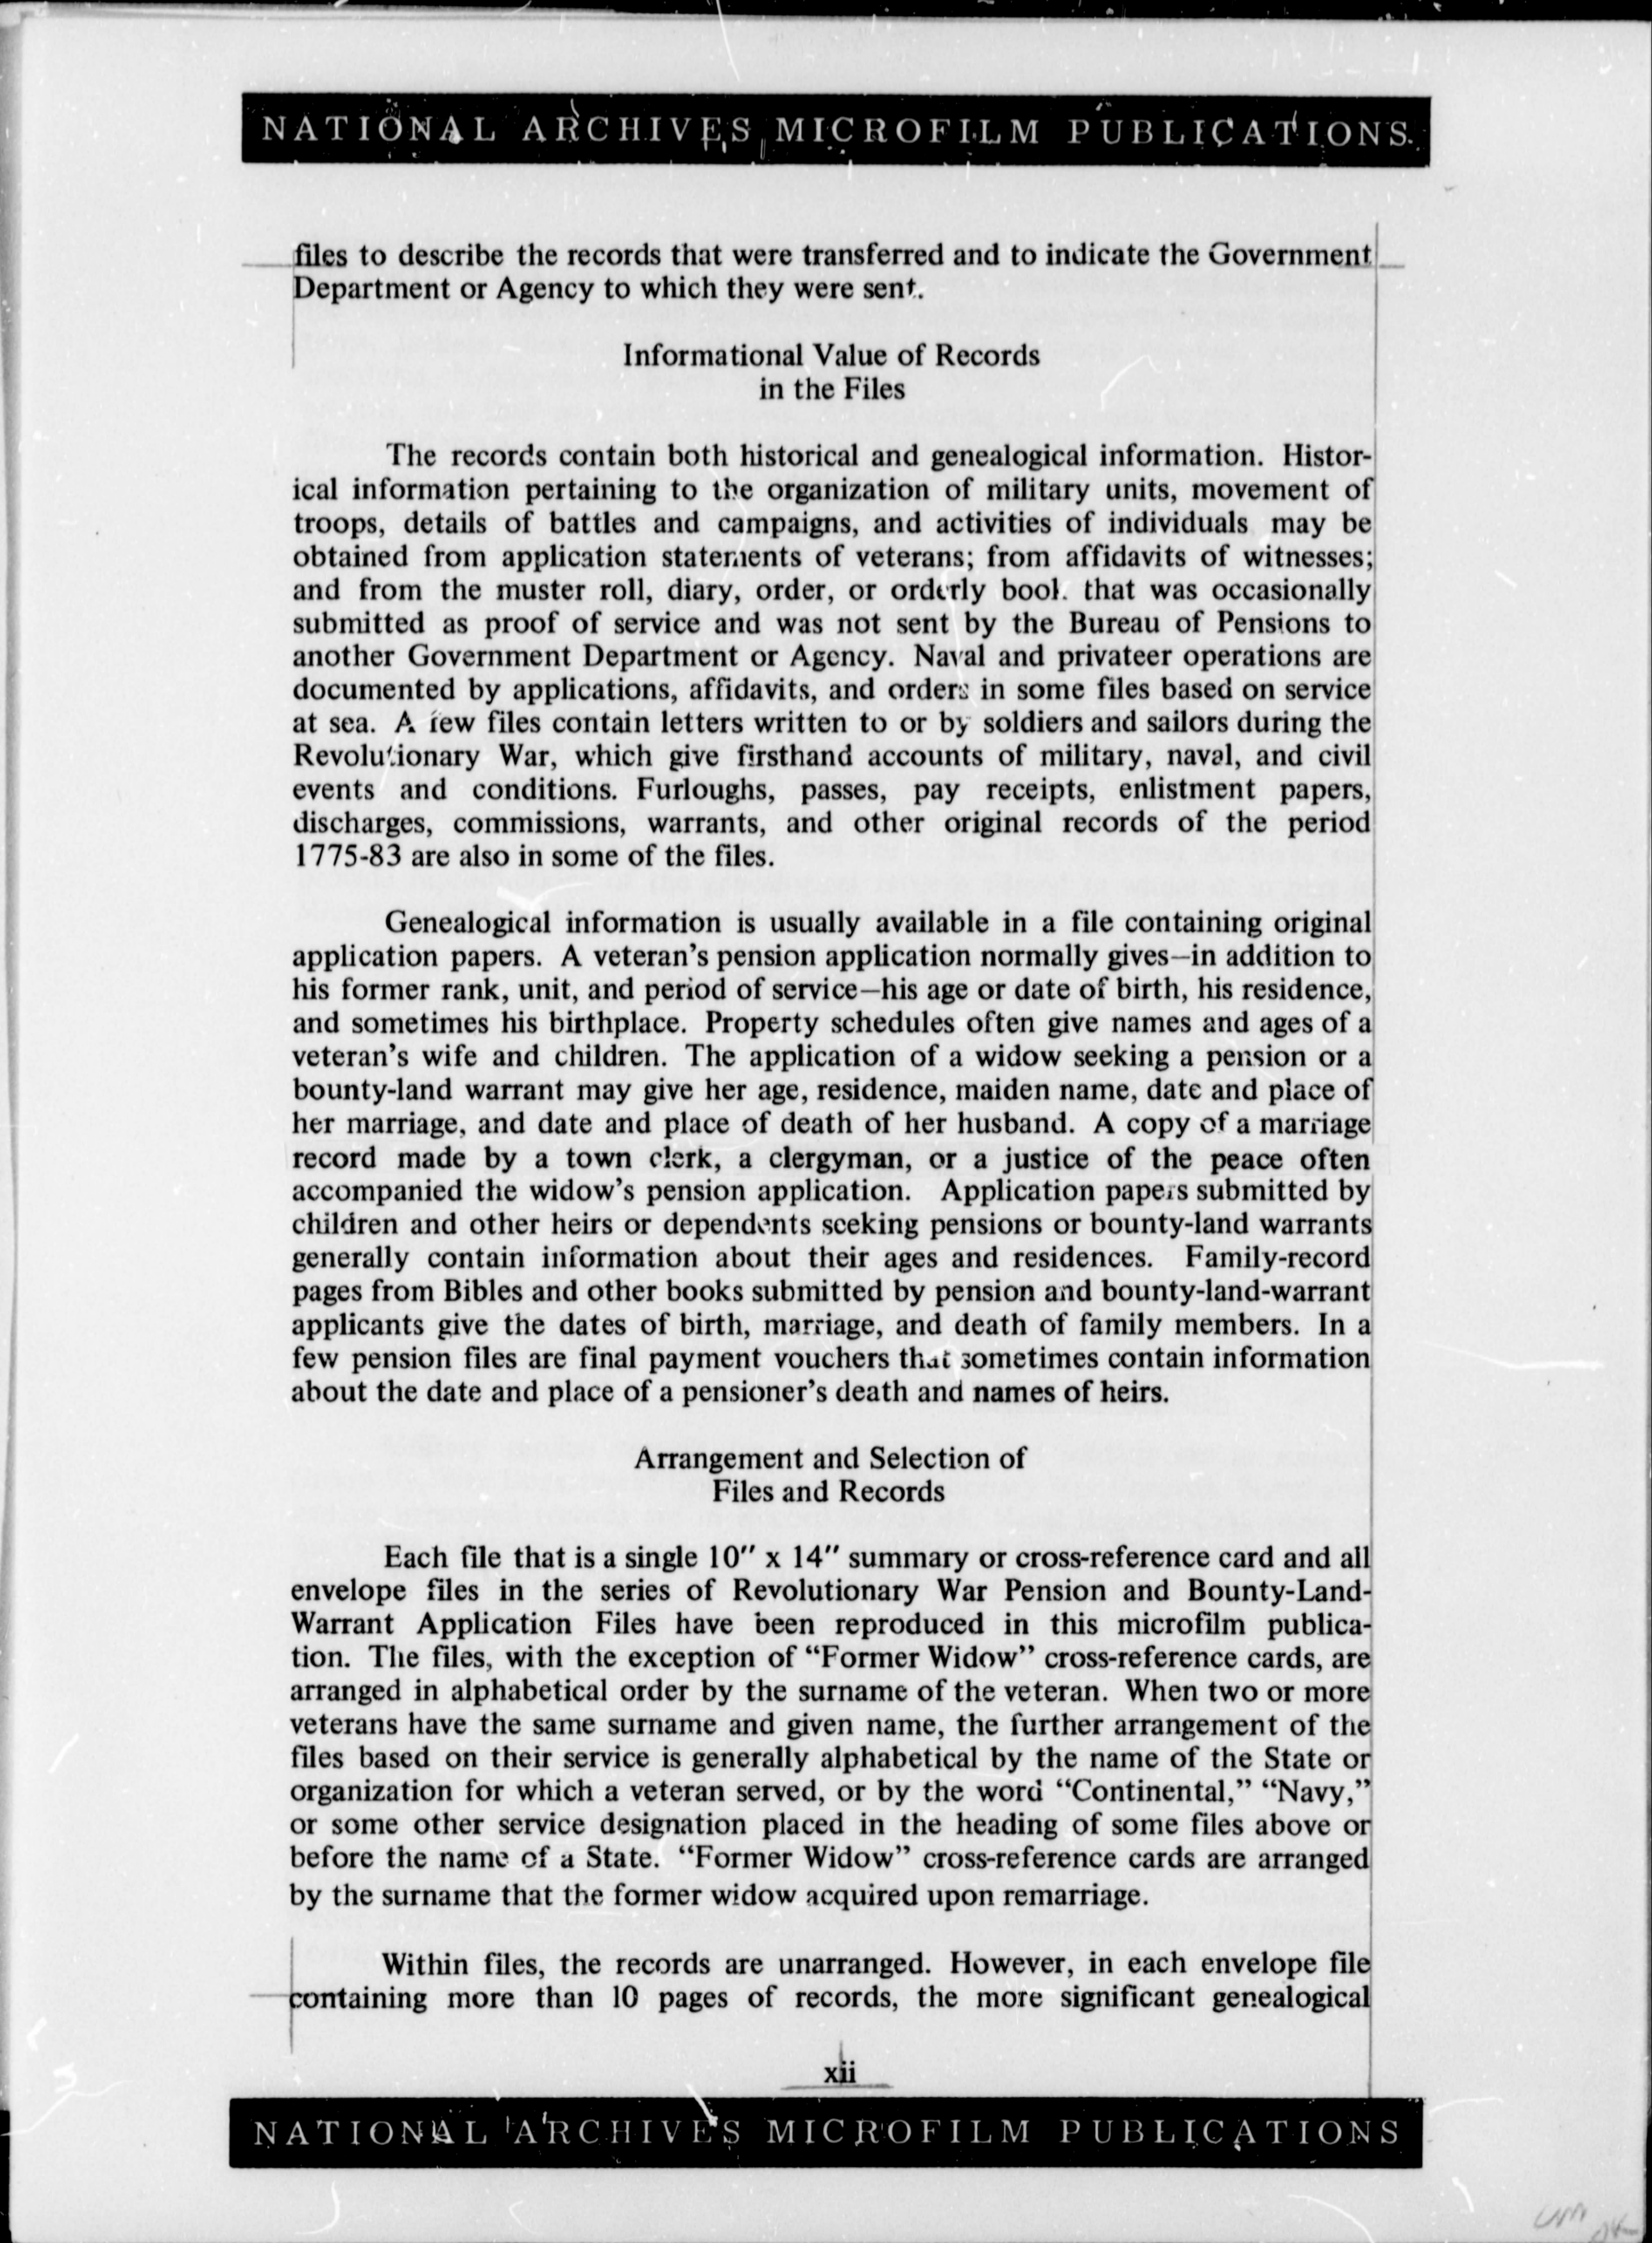NATIONAL ARCHIVES MICROFILM PUBLICATIONS

files to describe the records that were transferred and to indicate the Government Department or Agency to which they were sent.

Informational Value of Records in the Files

The records contain both historical and genealogical information. Historical information pertaining to the organization of military units, movement of troops, details of battles and campaigns, and activities of individuals may be obtained from application statements of veterans; from affidavits of witnesses; and from the muster roll, diary, order, or orderly book that was occasionally submitted as proof of service and was not sent by the Bureau of Pensions to another Government Department or Agency. Naval and privateer operations are documented by applications, affidavits, and orders in some files based on service at sea. A few files contain letters written to or by soldiers and saliors during the Revolutionary War, which give firsthand accounts of military, naval, and civil events and conditions. Furloughs, passes, pay receipts, enlistment papers, discharges, commissions, warrants, and other original records of the period 1775-83 are also in some of the files.

Genealogical information is usually available in a file containing original application papers. A veteran's pension application normally gives - in addition to his former rank, unit, and period of service - his age or date of birth, his residence, and sometimes his birthplace. Property schedules often give names and ages of a veteran's wife and children. The application of a widow seeking a pension or a bounty-land warrant may give her age, residence, maiden name, date and place of her marriage, and date and place of death of her husband. A copy of a marriage records made by a town clerk, a clergyman, or a justice of the peace often accompanied the widow's pension application. Application papers submitted by children and other heirs or dependents seeking pensions or bounty-land warrants generally contain information about heir ages and residences. Family-record pages from Bibles and other books submitted by pension and bounty-land-warrant applicants give the dates of birth, marriage, and death of family members. In a few pension files are final payment vouchers that sometimes contain information about he date and place of a pensioner's death and names of heirs.

Arrangement and Selection of Files and Records

Each file that is a single 10" x 14" summary or cross-reference card and all envelope files in the series of Revolutionary War Pension and Bounty-Land-Warrant Application Files have been reproduced in this microfilm publication. The files, with the exception of "Former Widow" cross-reference cards, are arranged in alphabetical order by the surname of the veteran. When two or more veterans have the same surname and given name, the further arrangement of the files based on their service is generally alphabetical by the name of the State or organization for which a veteran served by the word "Continental," "Navy," or some other service designation placed in the heading of some files above or before the name of a State. "Former Widow" cross-reference cards are arranged by the surname that the former widow acquired upon remarriage.

Within files, the records are unarranged. However, each envelope file containing more than 10 pages of records, the more significant genealogical 

NATIONAL ARCHIVES MICROFILM PUBLICATIONS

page: 12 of 61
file: Revolutionary War Pension and Bounty Land Warrant Application File